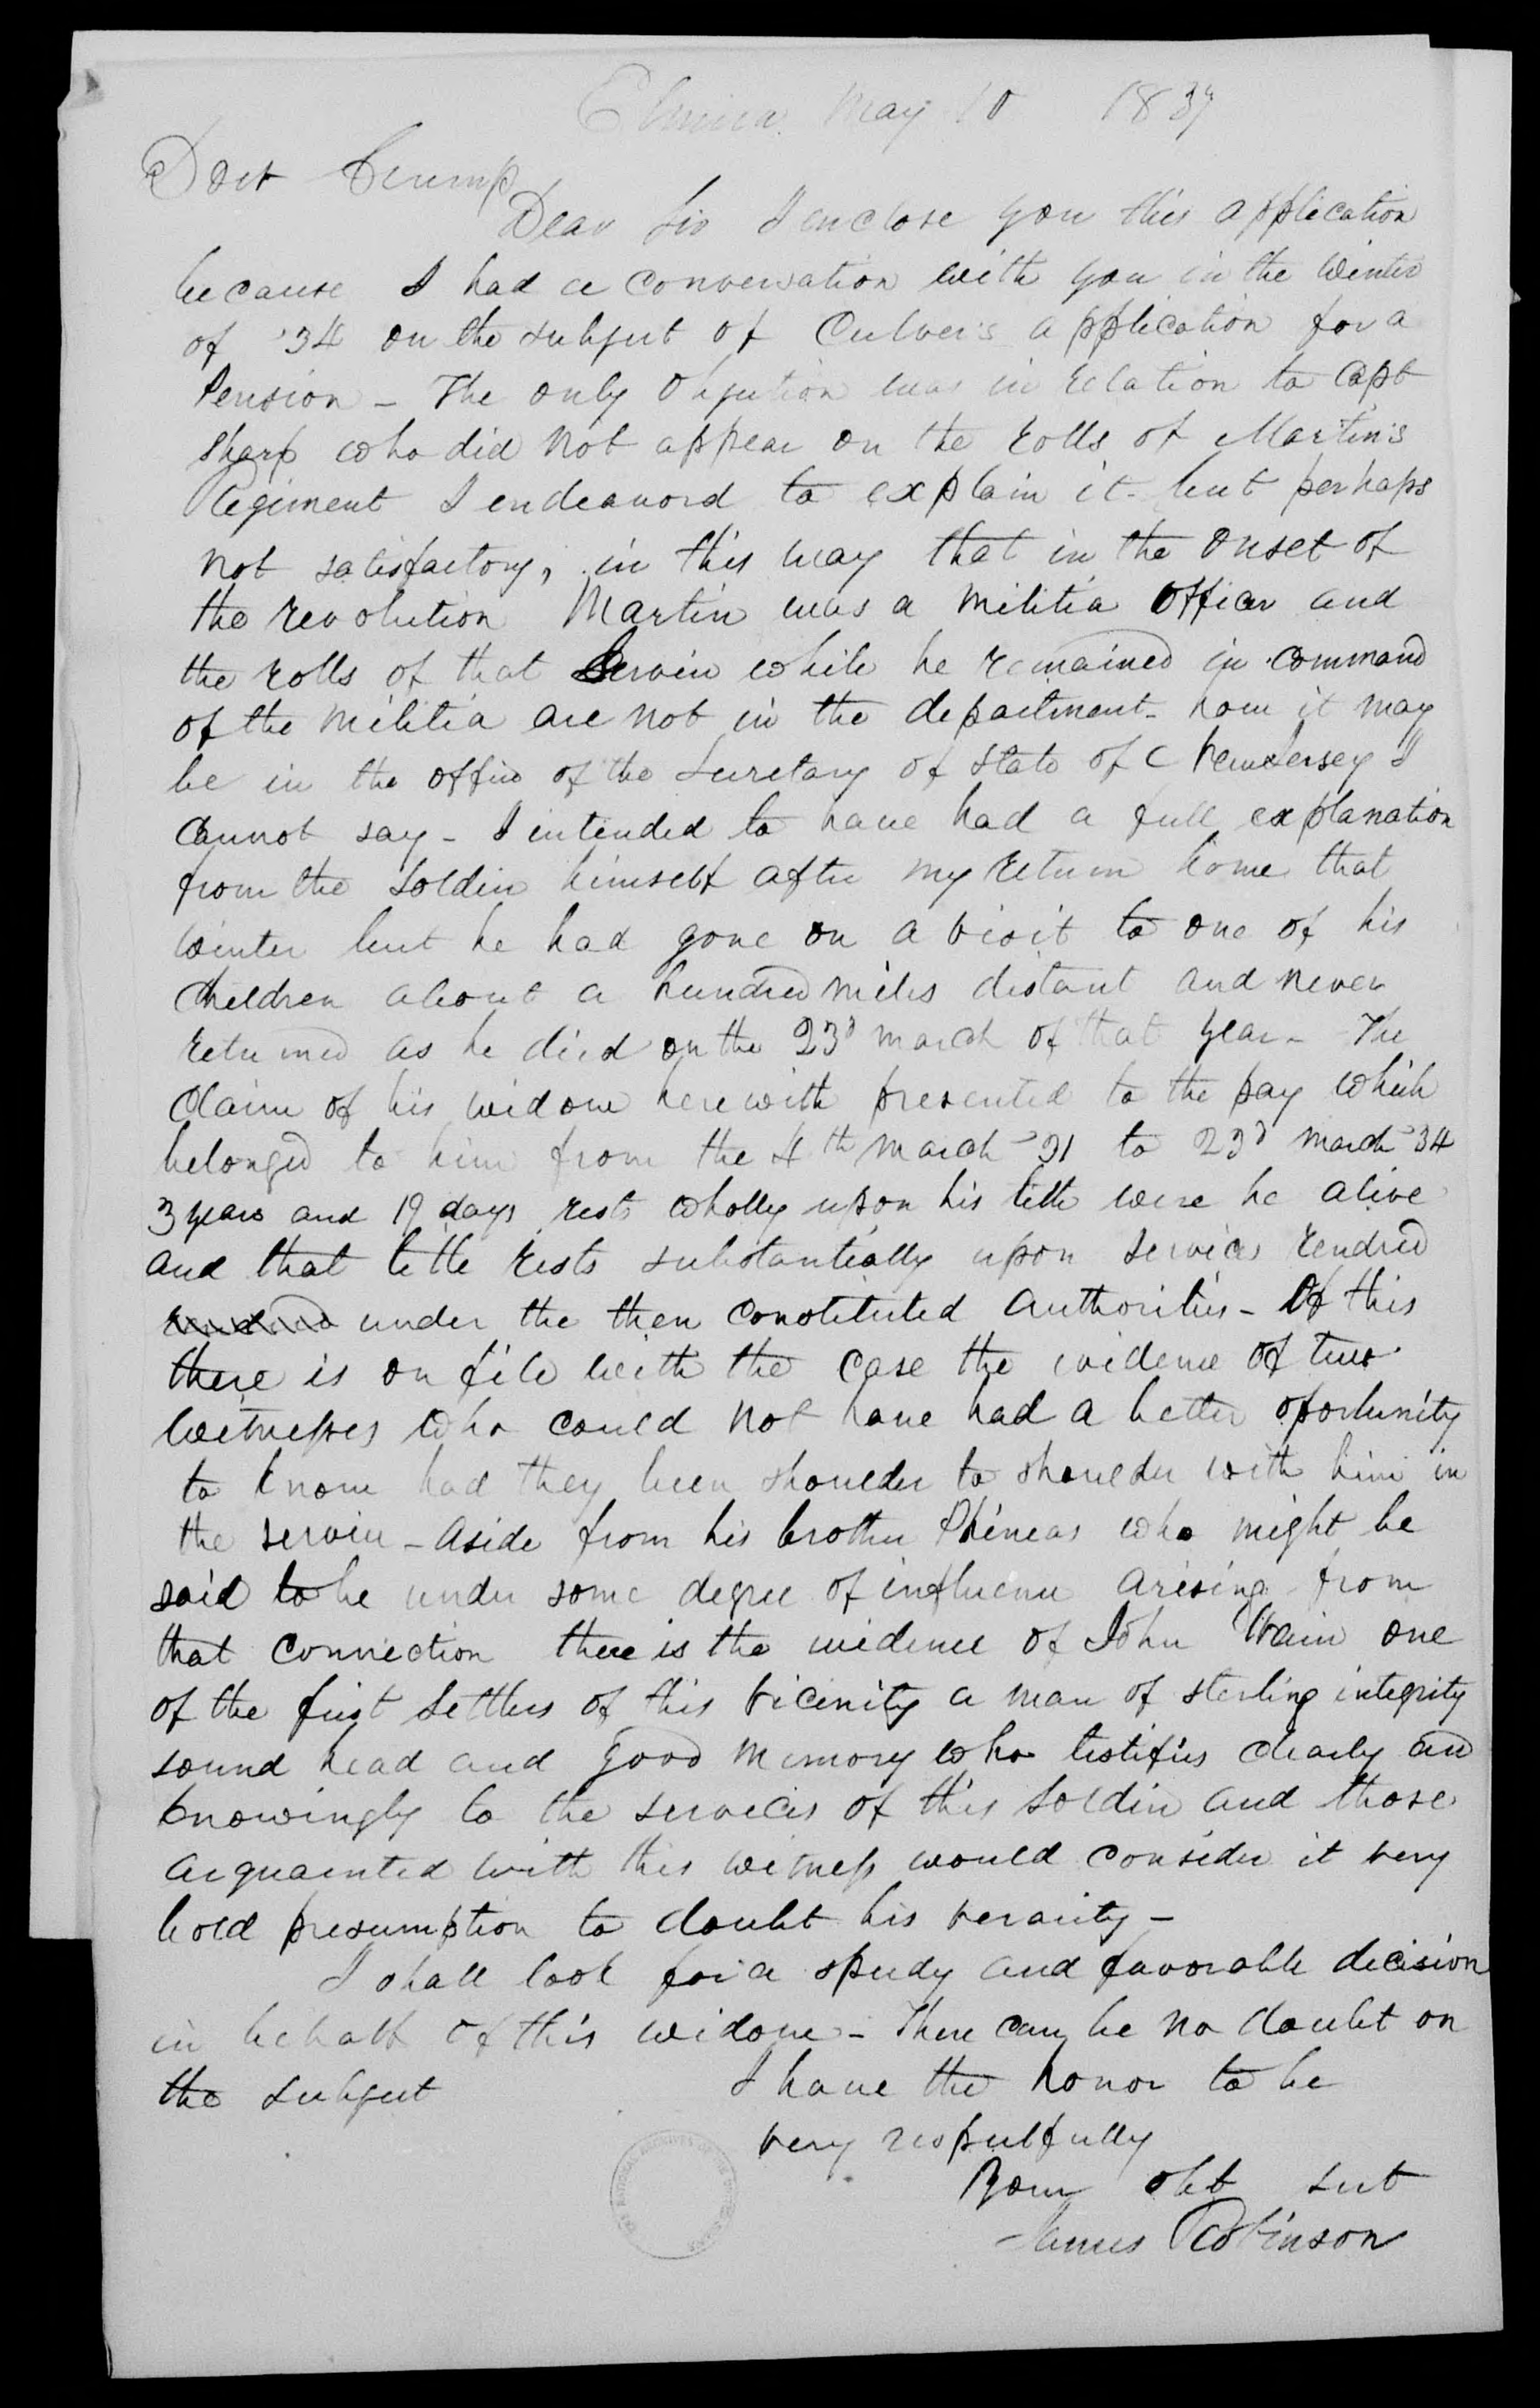Elmira May 10, 1839

[illegible]

Dear Sir I enclose you this application
because I had a conversation with you in the Winter
of 34’ on the subject of Culver’s application for a 
Pension – The only objection was in relation to Capt
Sharp who did not appear on the Rols of Martin’s
Regiment  I endeavored to explain it but perhaps
not satisfactory, in this way that in the onset of
the revolution Martin was a Militia officer and 
the rolls of that Service while he remained in command
of the Militia are not in the department now it may 
be in the office of the Secretary of State of New Jersey  I cannot
say – I intended to have had a full explanation
from the soldier himself after my return home that 
winter but he had gone on a visit to one of his
children about a hundred miles distance an never
returned as he died on the 23rd March of that year – The 
claim of his widow herewith prescuted  [sic] to the pay which
belonged to him from the 4th March 31 to 23rd March 34 
e years and 19 days rests wholly upon his title were he alive
and that title rests substantially upon service rendered
[cross out] under the then constituted Authorities – of this
there is on file with the case the evidence of two
witnesses who could not have had a better opportunity
to know had they been shoulder to shoulder with him in
the service – aside from his brother Phineas who might be
said to be under some degree of influence arising from
that connection there is the evidence of John Wain one
of the first Settlers of the vicinity a man of sterling integrity
sound head and good memory who testifies clearly and
knowingly to the services of this soldier and those
acquainted with this witness would consider it very
bold presumption to doubt his veracity – 

	I shall look for a speedy and favorable decision
in behalf of this widow – There can be no doubt on 
the subject

			I have the honor to be
			very respectfully 
			Your obedient servant 
			James Robinson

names: James Robinson, Martin, John Wain, Culver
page: 30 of 40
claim: rejected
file: R. 1,570, Samuel Culver, New Jersey